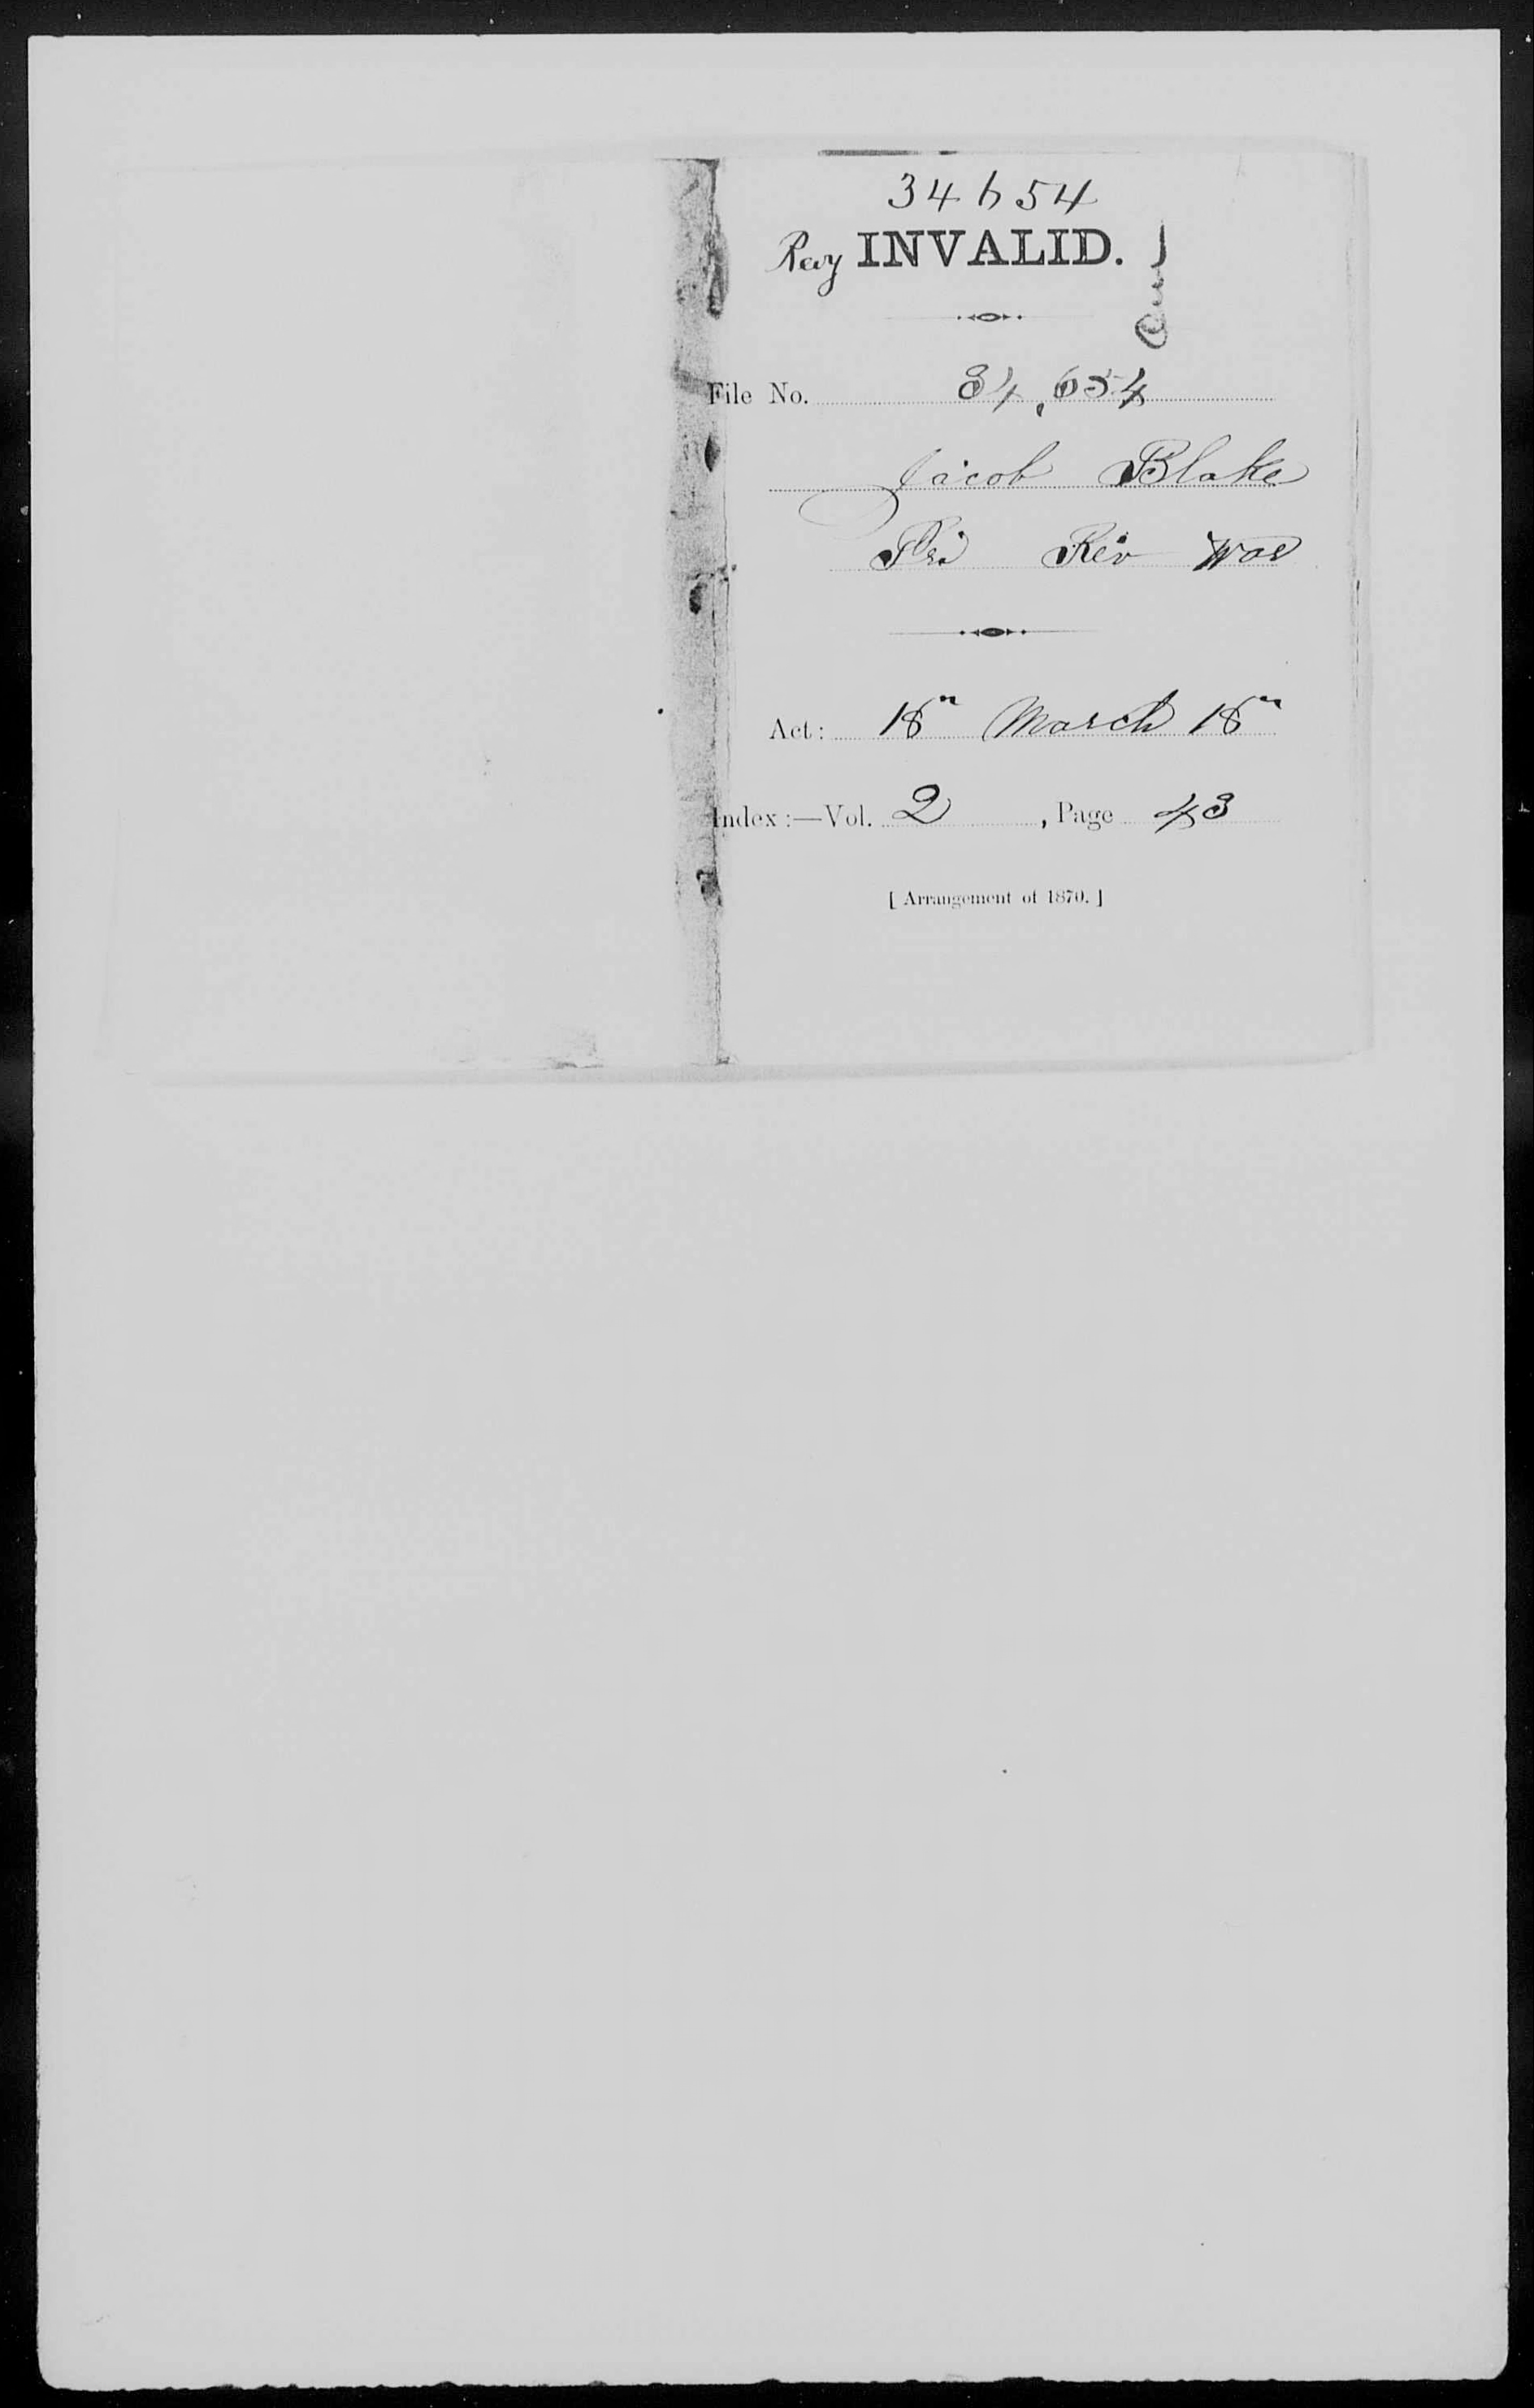34654
[illegible] INVALID. [illegible]

File No. 34,654
Jacob Blake
Pri. Rev War

Act: 18” March 18”
Index: - Vol. 2, Page 43

[Arrangement of 1870.]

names: Jacob Blake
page: 10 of 18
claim: survivor's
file: S. 34654, Jacob Blake, Md.